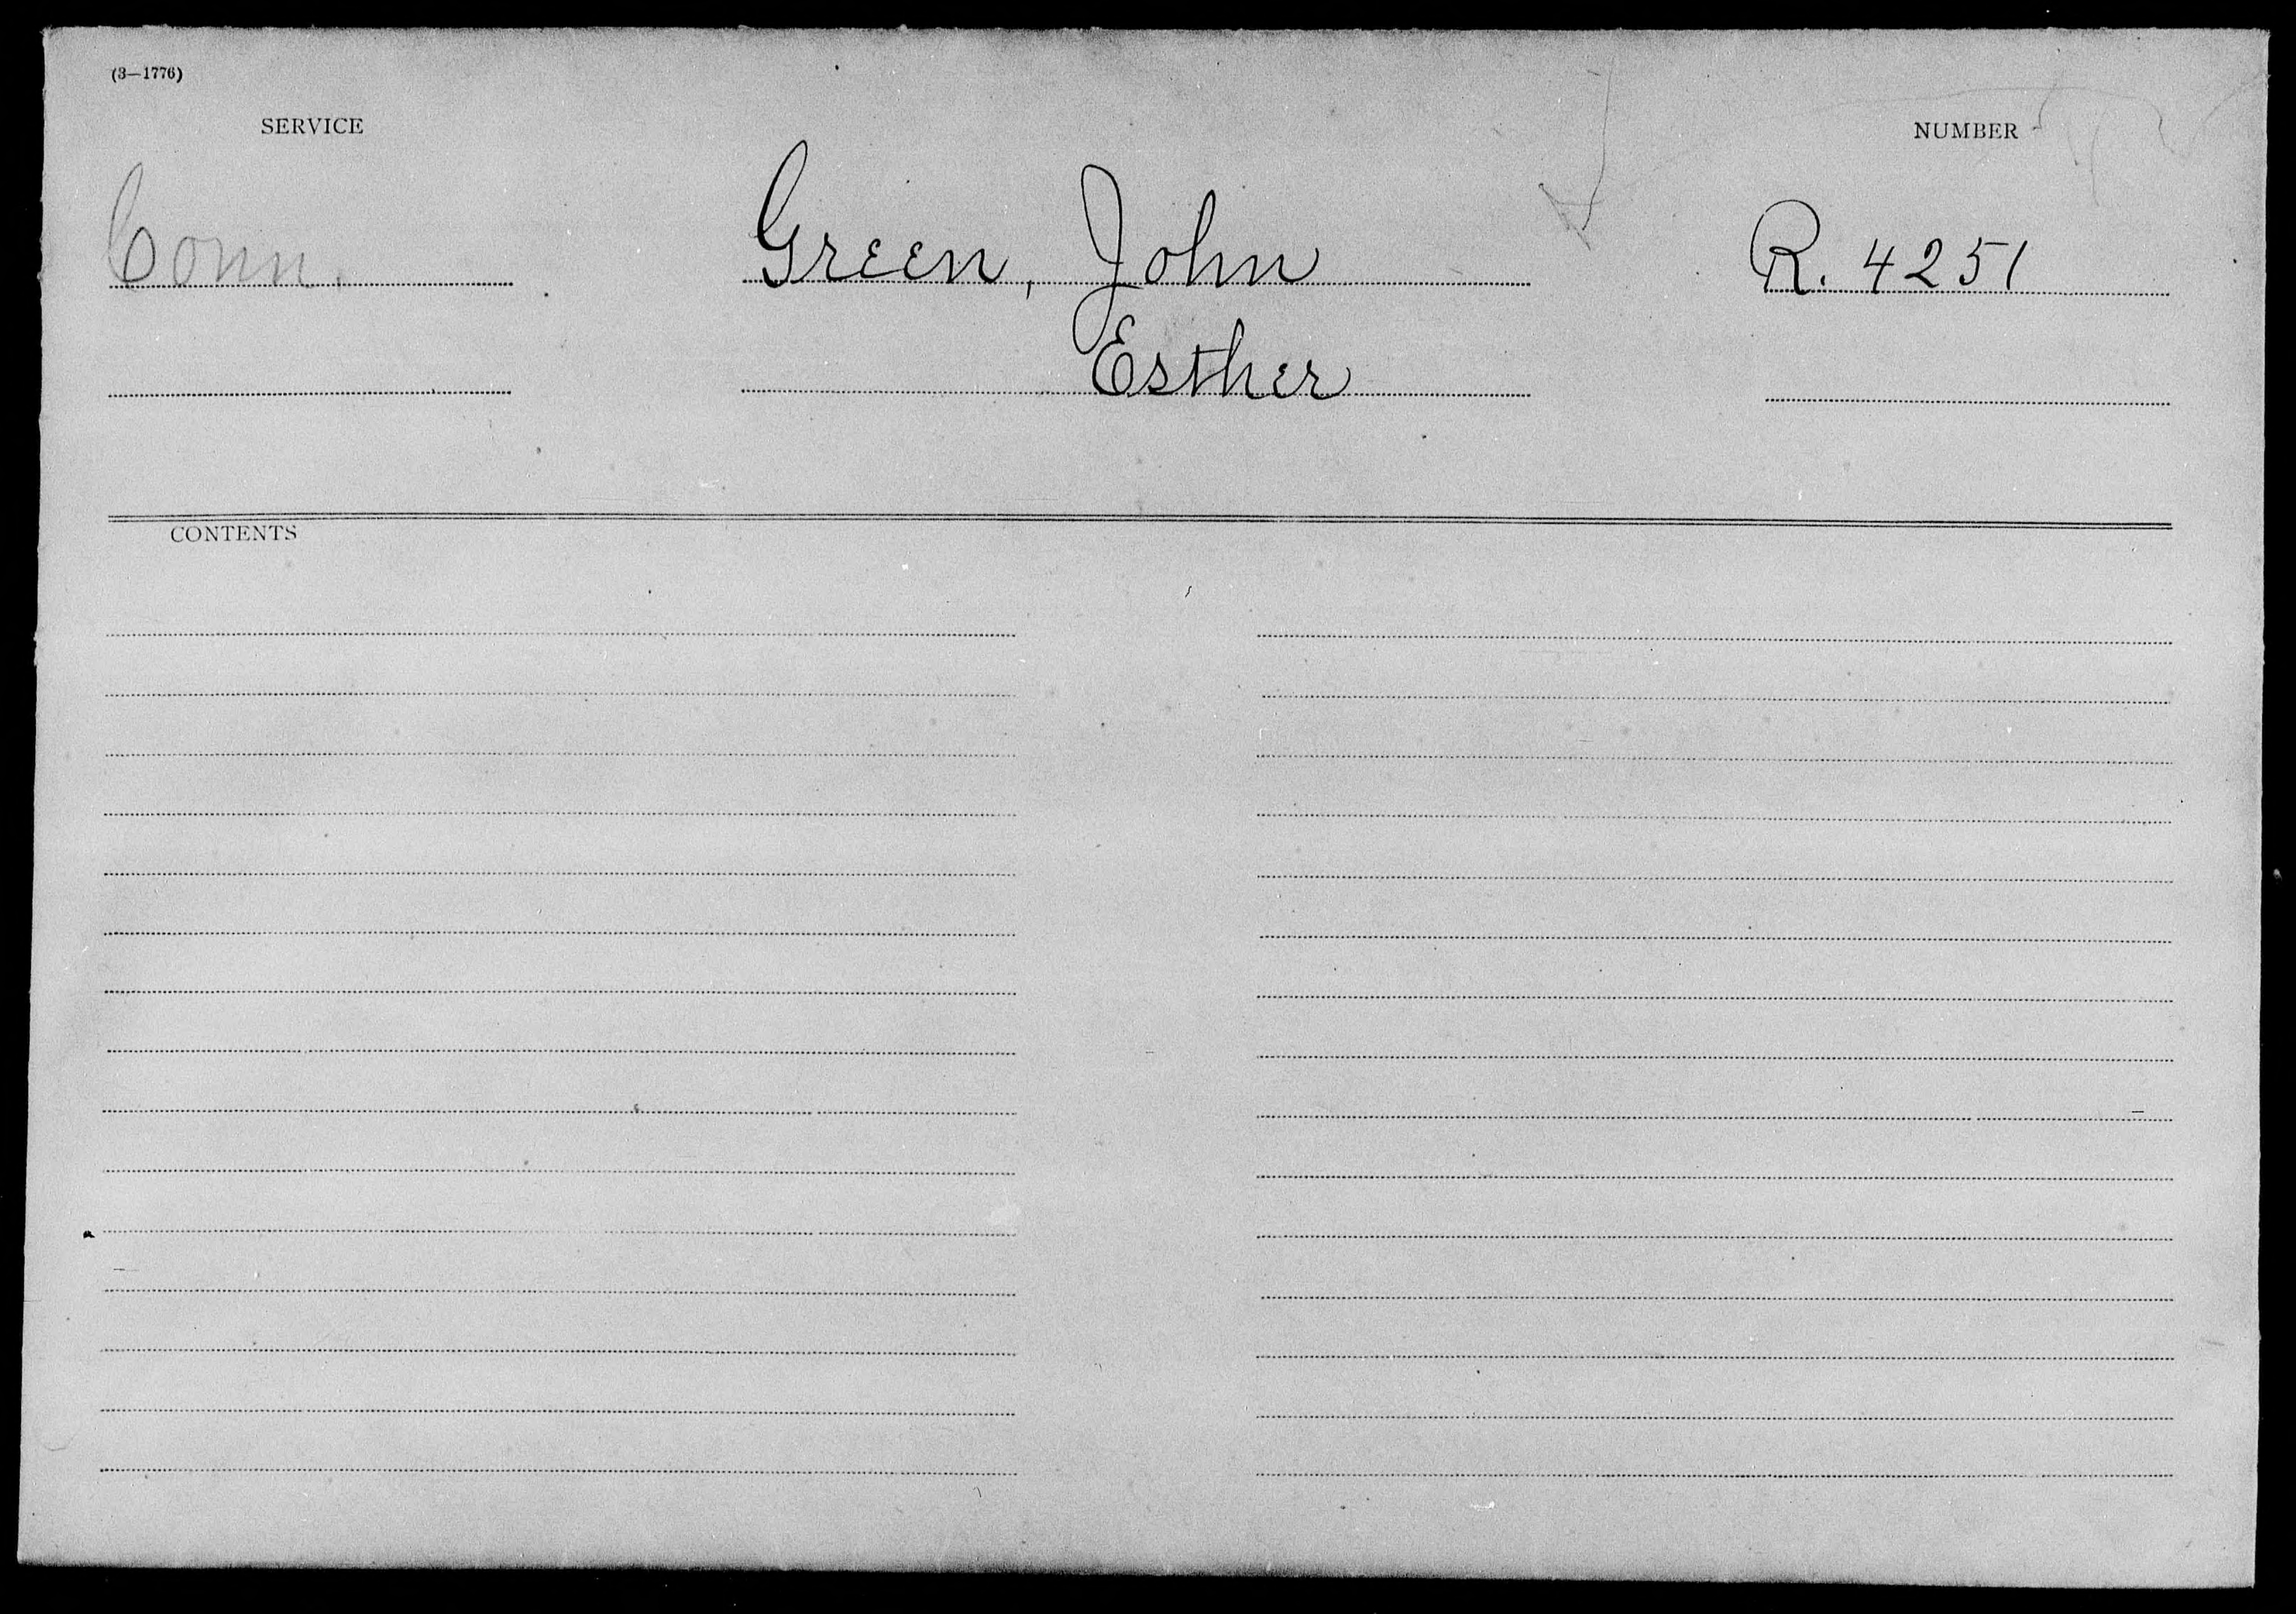Service Conn. Green, John Esther Number R. 4251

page: 1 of 40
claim: rejected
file: R. 4251, John Green, Conn.